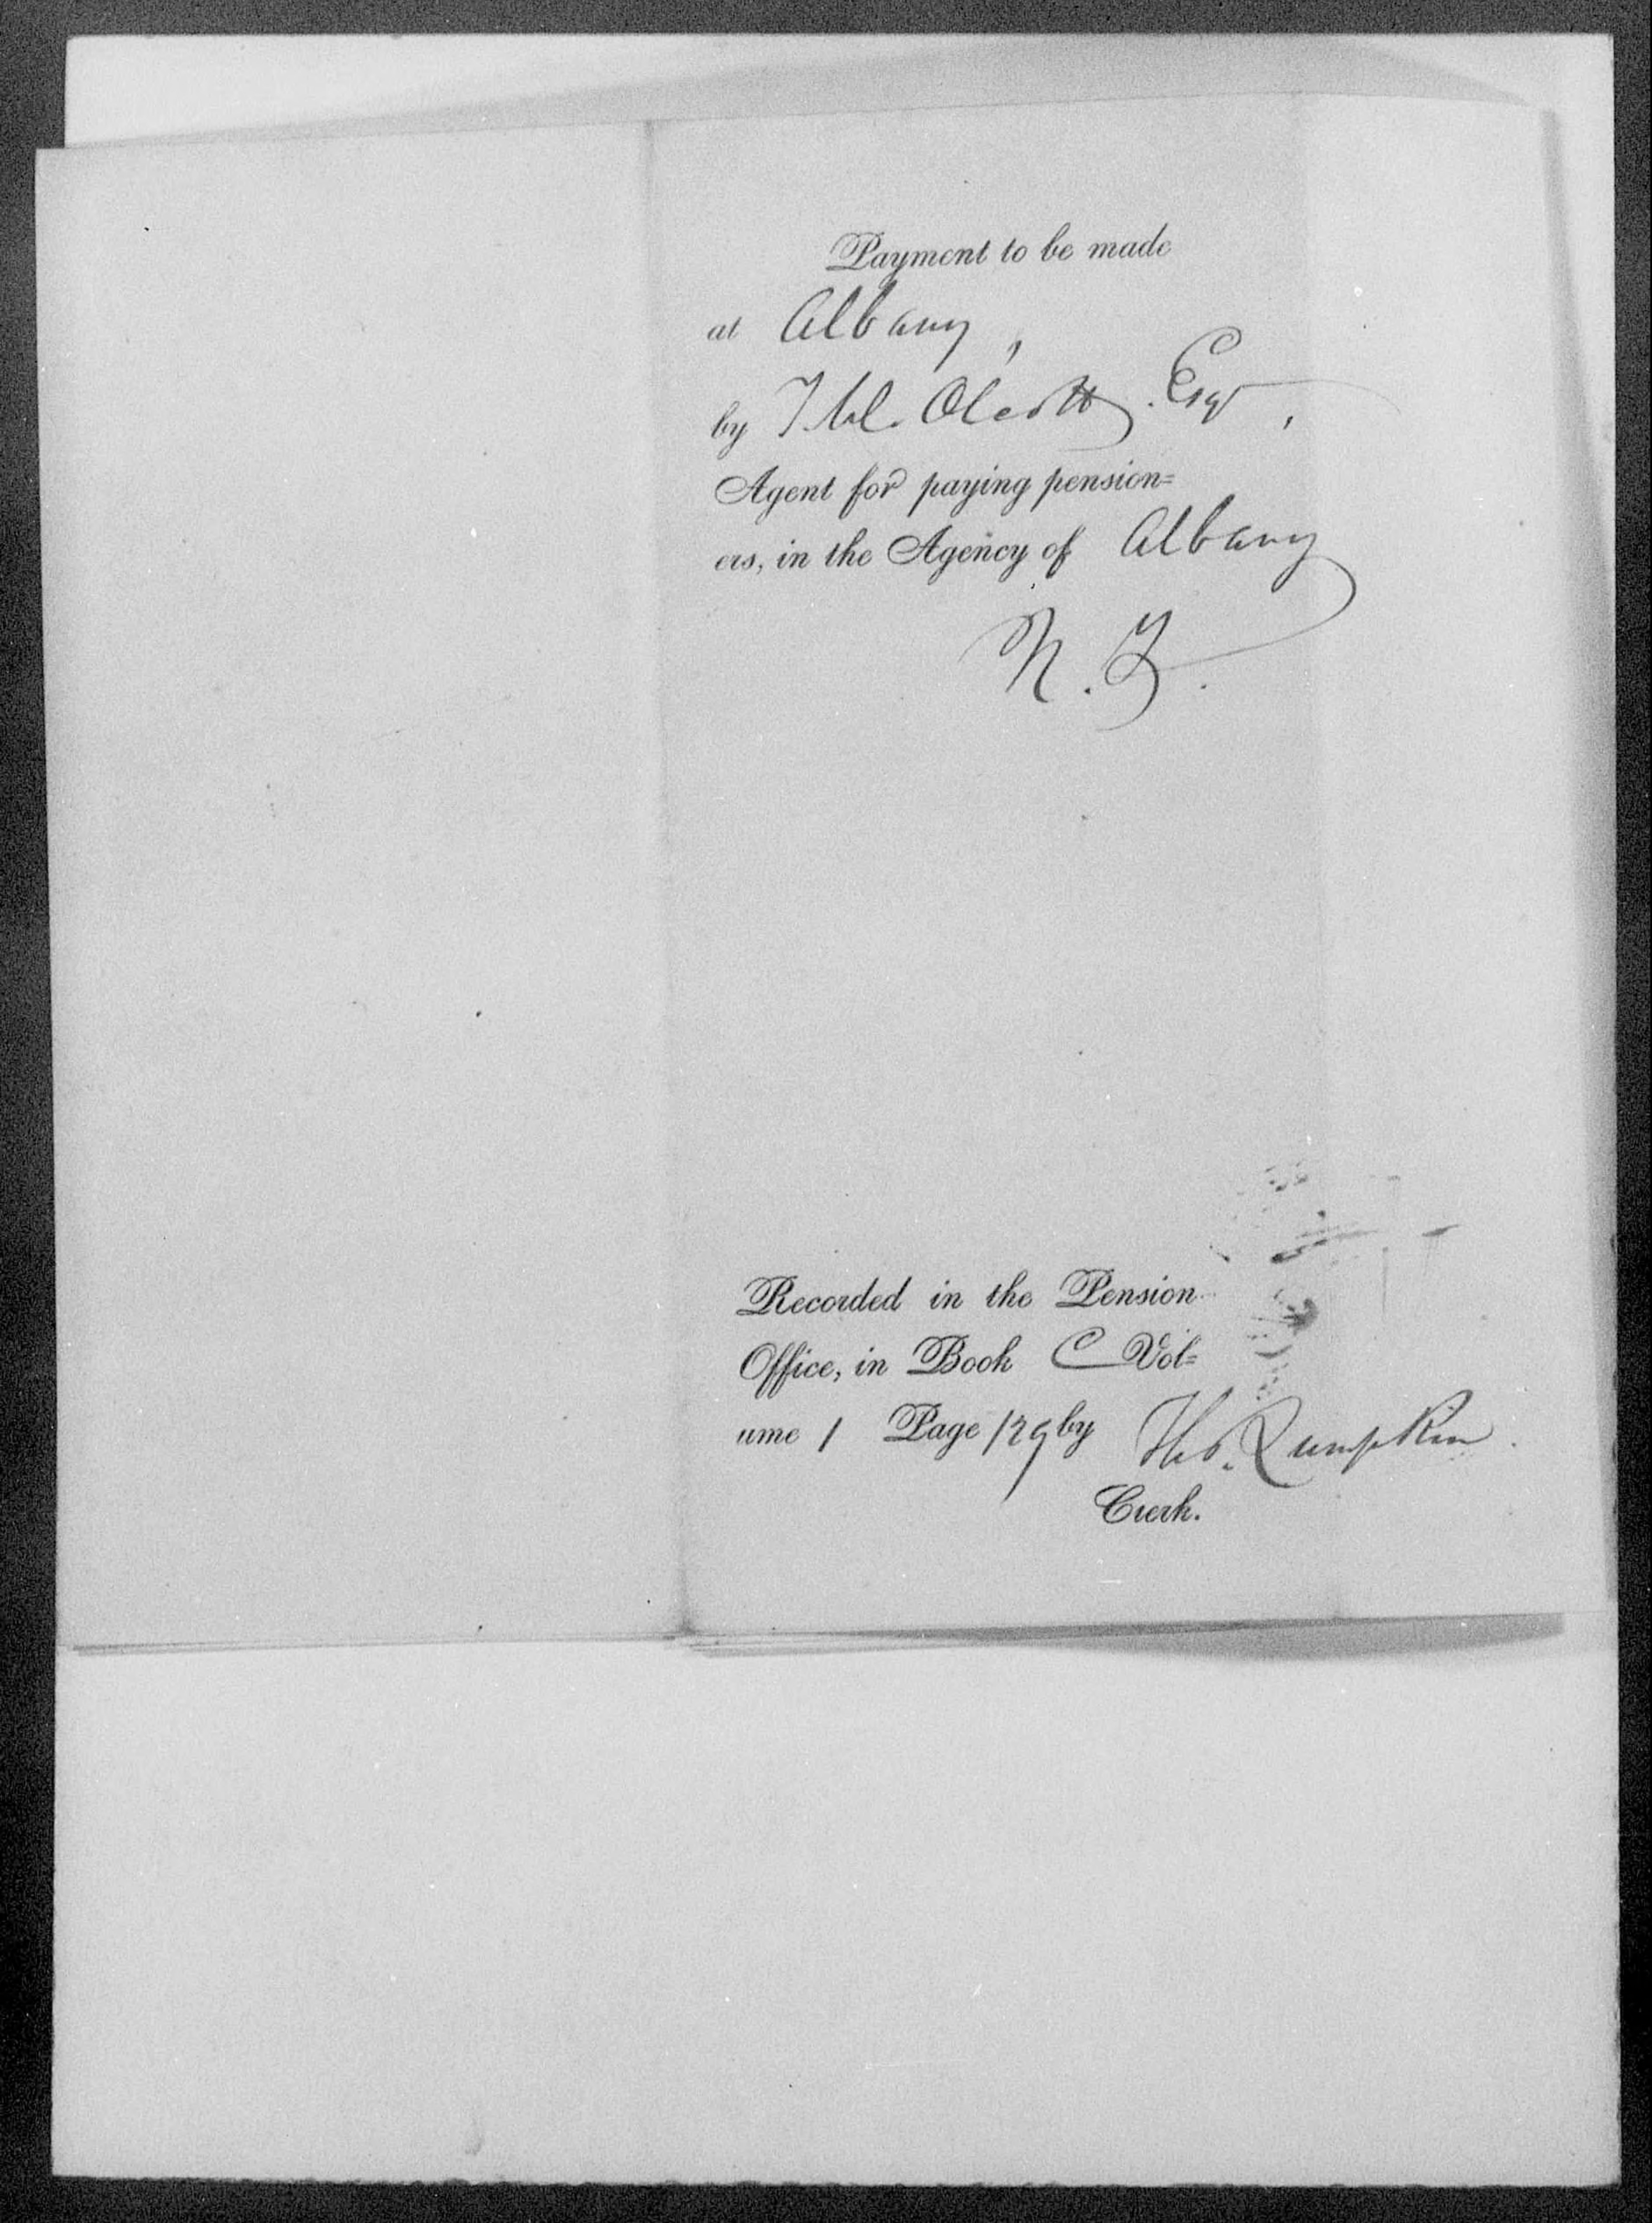Payment to be made at Albany, by TW. Olcott, Esq, Agent for paying pensioners, in the Agency of Albany, N.Y.

Recorded in the Pension Office, in Book C Volume 1 Page 129 by Tho. Lumpkin Clerk.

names: T W Olcott, Tho Lumpkin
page: 19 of 51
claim: widow's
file: W. 19,026, Israel Harrington, R.I.